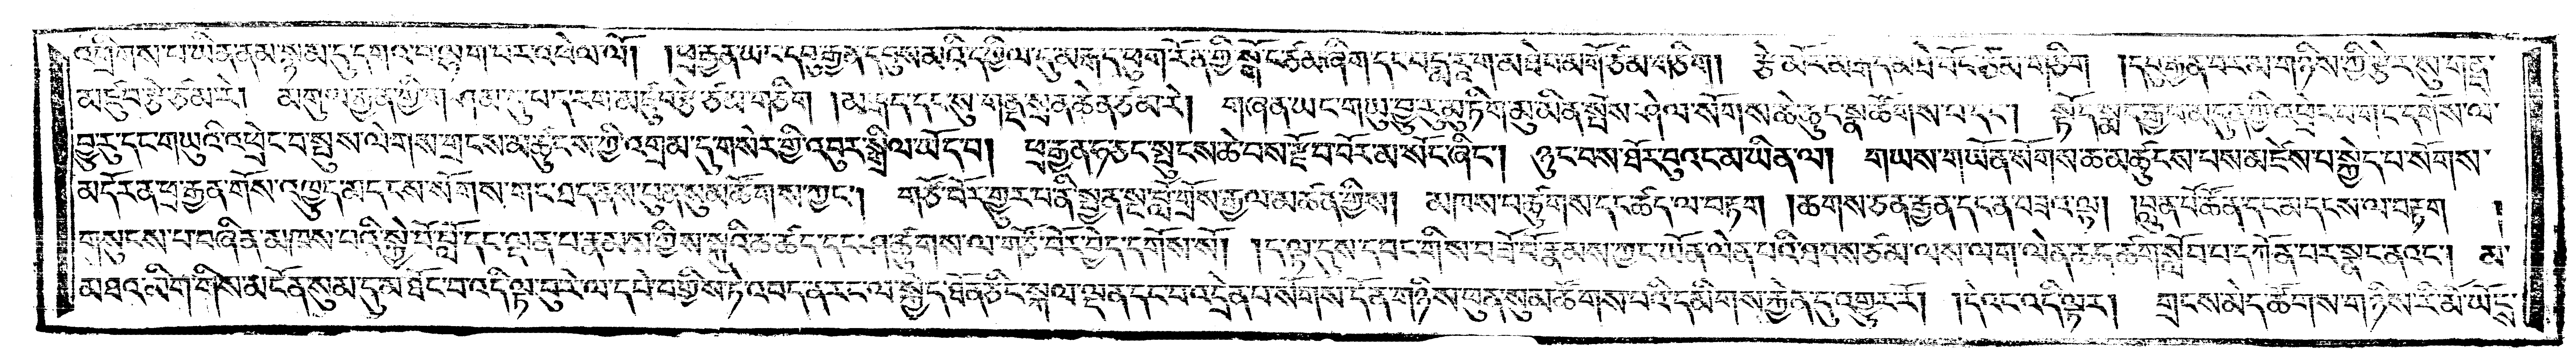འགྲིགས་པ་ཡིན་ནམ་སྙམ་དུ་དགའ་བ་ལྷག་པར་འཕེལ་ལོ། །ཕྲ་རྒྱན་ཡང་དབུ་རྒྱན་དབུས་མའི་དཀྱིལ་དུ་མ་རྒད་ཕུག་རོན་གྱི་སྒོང་ཙམ་ཞིག་དང་པདམ་རཱ་ག་མཐེབ་མགོ་ཙམ་གཅིག། རྩེ་མོར་མརྒད་མཐེ་བོང་ཙམ་གཅིག །དབུ་རྒྱན་བར་མ་གཉིས་ཀྱི་རྩེར་སུ་གནྡ་
མཛུབ་རྩེ་ཙམ་རེ། མགུལ་རྒྱན་གྱི་གཤམ་དུ་པད་རག་མཛུབ་རྩེ་ཙམ་གཅིག །མརྒད་དང་སུ་གནྡ་སྲན་ཆེན་ཙམ་རེ། གཞན་ཡང་གཡུ་བྱུ་རུ་མུ་ཚིག་མུ་མིན་སྤོས་ཤེལ་སོགས་ཆེ་ཆུང་སྣ་ཚོགས་པ་དང་། སྟོད་སྨད་རྒྱབ་མདུན་གྱི་འཕྲེང་བ་གང་དགོས་ལ་
བྱུ་རུ་དང་གཡུའི་འཕྲེང་བ་སྤུས་ལེགས་གྲངས་མཚུངས་ཀྱི་འགྲམ་དུ་གསེར་གྱི་འབུར་སྒྲིལ་ཡོད་པ། ཕྲ་རྒྱན་ཧ་ཅང་སྤུངས་ཆེ་བས་རྫོབ་བོར་མ་སོང་ཞིང་། ཉུང་བས་ཐོར་བུའང་མ་ཡིན་ལ། གཡས་གཡོན་སོགས་ཆ་མཚུངས་པས་མཛེས་པ་སྐྱེད་པ་སོགས་
མདོར་ན་ཕྲ་རྒྱན་གོས་འཁྱུད་མདངས་སོགས་གང་ཐད་ནས་ཕུན་སུམ་ཚོགས་ཀྱང་། གཙོ་བོར་གྱུར་པ་ནི་སྤྱན་སྔ་བློ་གྲོས་རྒྱལ་མཚན་གྱིས། མཁས་པ་ཚུགས་དང་ཚད་ལ་བརྟག །ཆགས་ཅན་རྒྱན་དང་ན་བཟའ་ལྟ། །བླུན་པོ་ཚོན་དང་མདངས་བརྟག། །
གསུངས་པ་བཞིན་མཁས་པའི་སྐྱེ་བོ་བློ་དང་ལྡན་པ་རྣམས་ཀྱིས་སྐུའི་ཆ་ཚད་དང་ཤ་ཚུགས་ལ་གཙོ་བོར་བྱེད་དགོས་སོ། །ད་ལྟ་དུས་དབང་གིས་བཟོ་བོ་རྣམས་ཀྱང་ཡོན་ལེན་པའི་ཐབས་ཙམ་ལས་ལག་ལེན་ཆད་ཚག་སློབ་པ་དཀོན་པར་སྣང་ནའང་། མ་
མཐའ་མིག་གིས་མངོན་སུམ་དུ་མཐོང་བ་འདི་ལྟ་བུ་རེ་ལ་དཔེ་བགྱིས་ཏེ་འབད་ན་རབ་ལ་སྐྱེད་ཐོན་ཅིང་སྐལ་ལྡན་དང་བ་འདྲེན་པ་སོགས་དོན་གཉིས་ཕུན་སུམ་ཚོགས་པའི་དམིགས་རྐྱེན་དུ་འགྱུར་རོ། །དེའང་འདི་ལྟར། གྲངས་མེད་ཚོགས་གཉིས་རི་མོ་ཡོངས་